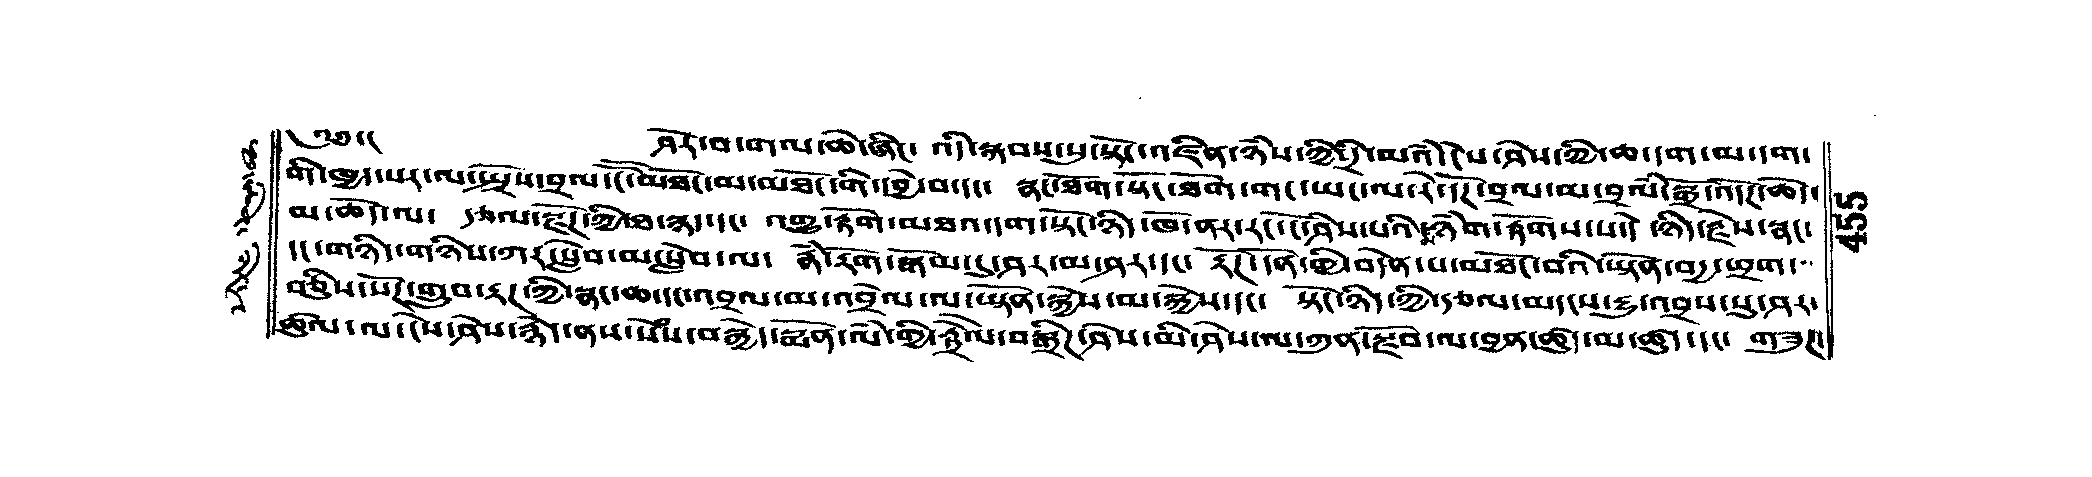ཤོར་བ་གལ་ཆེ་ཞིང་། འདི་སྐབས་སུ་སྟོང་འཛིན་ཉམས་ཀྱི་དྲི་མའམ་ངེས་ཤེས་ཀྱི་ཆ་དག་མ་དག་
གི་ཁྱད་པར་ལ་སྤྲོས་བྲལ་ངོ་བོ་མཐོང་མ་མཐོང་གི་དབྱེ་བ་དང་། སྣང་ཐོག་སྟོང་ཐོག་གང་ལ་ཡང་རེ་དོགས་བྲལ་མ་བྲལ་ལམ་སྒྲོ་འདོགས་ཆོད་
མ་ཆོད་ལ། རྩལ་རྫོགས་མ་རྫོགས་ཀྱི་ཐ་སྙད་དང་། འགྱུ་རྟོག་མཐའ་དག་སྟོང་ཉིད་ཁོ་ནར་རང་ངོ་ཤེས་པའི་མཉམ་བཞག་རྟོགས་པ་དེ་ཉིད་རྗེས་སྣང་
དང་གཉིད་གཉིས་ཀར་སླེབ་མ་སླེབ་ལ། རྣམ་རྟོག་སྒོམ་དུ་ཤར་མ་ཤར་དང་། རྟོགས་དོན་གྱི་བདེན་པ་མཐོང་བའི་ཡོན་ཏན་བརྒྱ་ཕྲག་
བཅུ་གཉིས་སོགས་གྲུབ་རྟགས་ཀྱི་སྣང་ཆ་དང་འབྲེལ་མ་འབྲེལ་ལ་ཡོན་ཏན་སྐྱེས་མ་སྐྱེས་དང་། སྟོང་ཉིད་ཀྱི་རྩལ་མདངས་རྒྱུ་འབྲས་སུ་ཤར་
ཚུལ་ལ་ངེས་ཤེས་རྙེད་ནས་སེམས་བསྐྱེད་སྨོན་ལམ་གྱི་རྟེན་འབྲེལ་བསྒྲིག་ཤེས་མི་ཤེས་ལ་ཀུན་རྫོབ་ལ་བྱན་ཚུད་མ་ཚུད་དང་།གཟུགས་